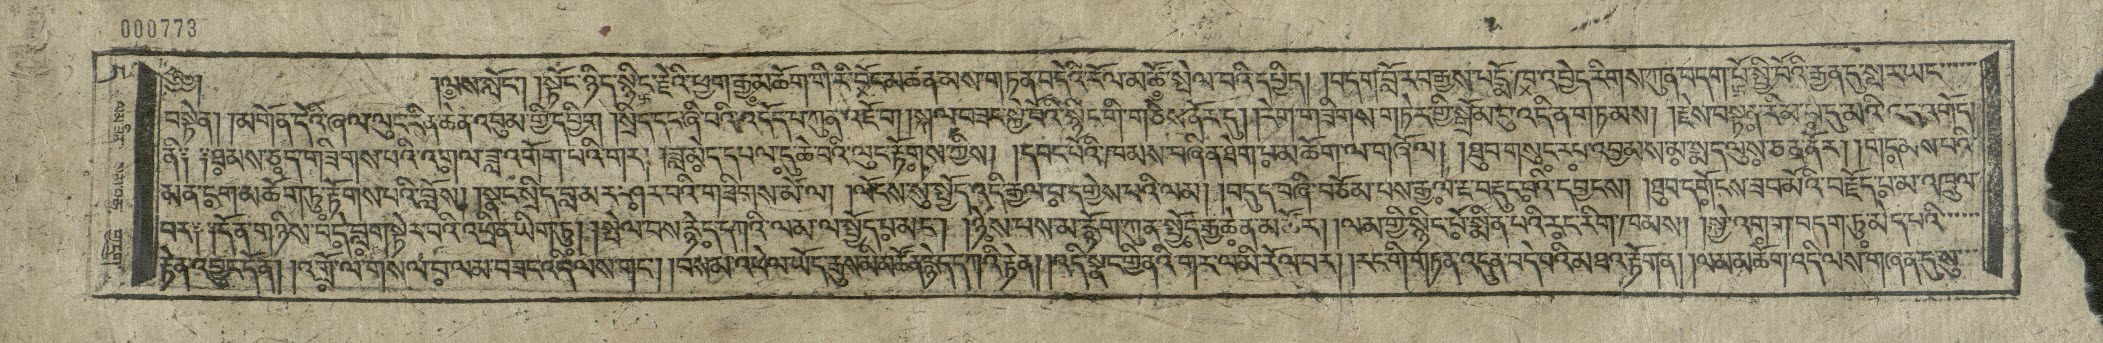༄༅། །ལས་སློང་། །སྟོང་ཉིད་སྙིང་རྗེའི་ཕྱག་རྒྱ་མཆོག་གི་རི་བོང་མཚན་མས་གཏན་བདེའི་རོལ་མཚོ་སྤེལ་བའི་དཔྱིད། །བདག་བློ་རབ་རྒྱས་པདམོ་ཁ་འབྱེད་རིགས་ཀུན་བདག་པོ་སྤྱི་བོའི་རྒྱན་དུ་སླར་ཡང་
བསྟེན། །མགོན་དེའི་ཞལ་ལུང་རིན་ཆེན་འབུམ་གྱི་དབྱིག །སྲིད་དང་ཞི་བའི་འདོད་པ་ཀུན་འཇོ་བ། །སྐལ་བཟང་སྐྱེ་བོའི་སྙིང་གི་གཅེས་ནོར་དུ། །རེག་གཟིགས་གཏེར་གྱི་སྒྲོམ་བུ་འདི་ན་གཏམས། །རྗེས་བསྟན་རིམ་པ་དུ་མའི་འདུ་འགོད་
ནི༑ ༑ཐམས་ཅད་གཟིགས་པའི་འགལ་ཟླ་འགོག་པའི་གར། །ཟླ་མེད་དཔལ་དུ་ཆེ་བའི་ལུང་རྟོགས་ཀྱིས། །དབང་པོའི་ཁམས་བཞིན་ཐེག་པ་མཆོག་ལ་གཞོ་ལ། །ཐུབ་གསུང་རབ་འབྱམས་མ་སྨད་ལུས་ཅན་ནོར། །གདམས་པའི་
མན་ངག་མཆོག་ཏུ་རྟོགས་པའི་བློས། །སྣང་སྲིད་བླ་མར་ཤར་བའི་གཟིགས་མོ་ལ། །ལོངས་སུ་སྤྱོད་འདི་རྒྱལ་བ་དགྱེས་པའི་ལམ། །བདུད་བཞི་བཅོམ་པས་རྒྱལ་རྔ་བརྡུང་བའི་དབྱངས། །ཐུབ་དགོངས་ཟབ་མོའི་བརྗོད་པ་མ་འཁྲུལ་
བར༑ ༑དོན་གཉིས་བདེ་བླག་སྟེར་བའི་འཕྲིན་ཡིག་ཏུ། །སྤེལ་བས་རྙེད་དཀའི་ལམ་ལ་སྤྱོད་པ་མང་། །ཉེས་པས་མ་རྙོག་ཀུན་སྤྱོད་རྒྱ་ཆེན་མཚོར། །ལམ་གྱི་སྙིང་པོ་སྨིན་པའི་རང་རིག་ཁམས། །སྐྱེ་འགག་བདག་ཏུ་མེད་པའི་
རྟེན་འབྱུང་དོན། །འགྲོ་ལ་གསལ་བ་ལམ་བཟང་འདི་ལས་གང་། །བསམ་འཕེལ་ཡོད་རྒུས་མི་མཚོན་རྙེད་དཀའི་རྟེན། །འདི་སྣང་གྱི་ནའི་གར་ལ་མི་རོལ་བར། །རང་གི་གཏན་འདུན་བདེ་བའི་མཐའ་རྟོག་ན། །ལམ་མཆོག་འདི་ལས་གཞན་དུ་སུ་